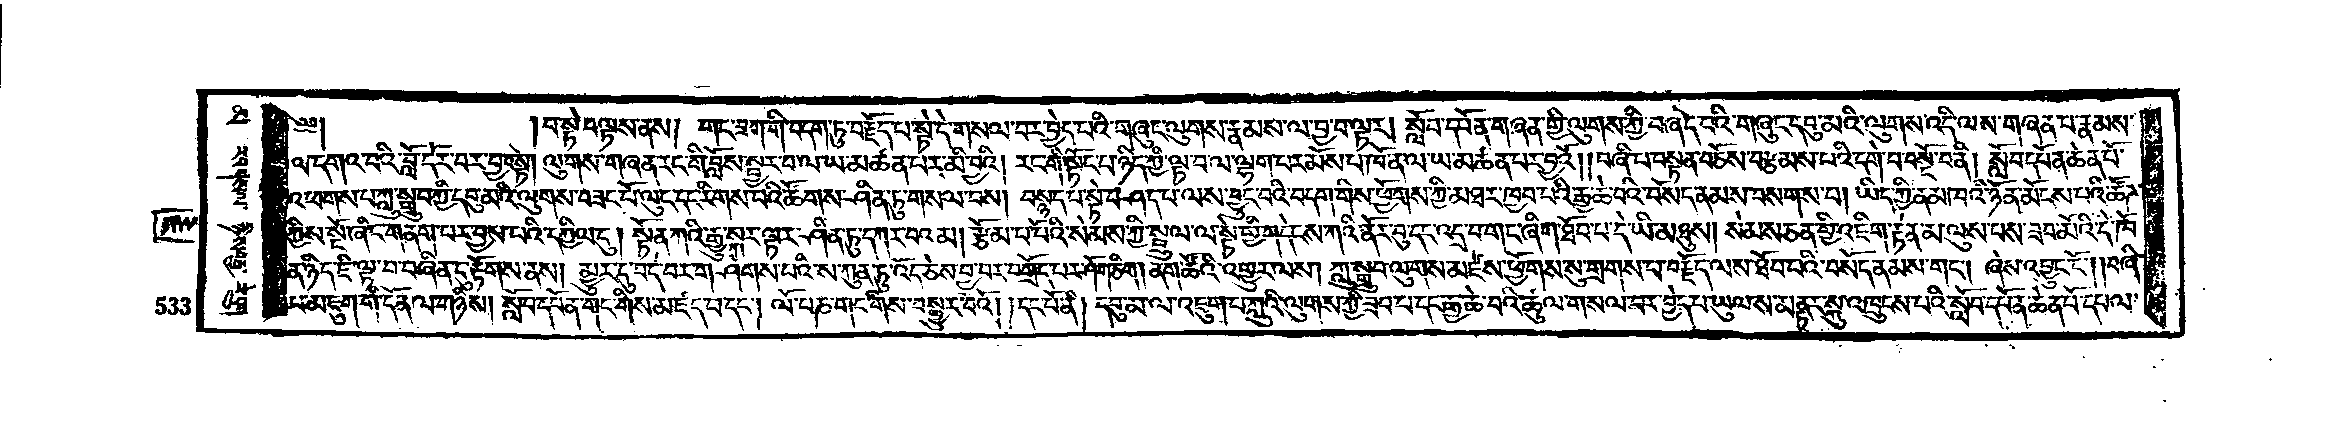༄༅། །བ་སྟེ་བལྟས་ནས། གང་ཟག་གི་བདག་ཏུ་བརྗོད་པ་སྟེ་དེ་གསལ་བར་བྱེད་པའི་གཞུང་ལུགས་རྣམས་ལ་བྱ་བ་ལྟར། སློབ་དཔོན་གཞན་གྱི་ལུགས་ཀྱི་བཞེད་པའི་གཞུང་དབུ་མའི་ལུགས་འདི་ལས་གཞན་པ་རྣམས་
ལ་དགའ་བའི་བློ་དོར་བར་བྱ་བ་སྟེ། ལུགས་གཞན་རང་གི་བློས་སྦྱར་བ་ལ་ཡ་མཚན་པར་མི་བྱའི། རང་གི་སྟོང་པ་ཉིད་ཀྱི་ལྟ་བ་ལ་ལྷག་པར་མོས་པ་ཁོ་ན་ལ་ཡ་མཚན་པར་བྱའོ། །བཞི་པ་བསྟན་བཅོས་བརྩམས་པའི་དགེ་བ་བསྔོ་བ་ནི། སློབ་དཔོན་ཆེན་པོ་
འཕགས་པ་ཀླུ་སྒྲུབ་ཀྱི་དབུ་མའི་ལུགས་བཟང་པོ་ལུང་དང་རིགས་པའི་ཚོགས་ཤིན་ཏུ་གསལ་བས། བསྙད་པ་སྟེ་བཤད་པ་ལས་བྱུང་བའི་བདག་གིས་ཕྱོགས་ཀྱི་མཐར་ཁྱབ་པའི་རྒྱ་ཆེ་བའི་བསོད་ནམས་བསགས་པ། ཡིད་ཀྱི་ནམ་མཁའི་ཉོན་མོངས་པའི་ཚོགས་
ཀྱིས་སྔོ་ཞིང་གནག་པར་བྱས་པའི་དཀྱིལ་དུ། སྟོན་ཀའི་རྒྱུ་སྐར་ལྟར་ཤིན་ཏུ་དཀར་བའམ། རྩོམ་པ་པོའི་སེམས་ཀྱི་སྦྲུལ་ལ་སྟེ་གྱི་གདེངས་ཀའི་ནོར་བུ་དང་འདྲ་བ་གང་ཞིག་ཐོབ་པ་དེ་ཡི་མཐུས། སེམས་ཅན་གྱི་འཇིག་རྟེན་མ་ལུས་པས་ཟབ་མོའི་དེ་ཁོ་
ན་ཉིད་ཇི་ལྟ་བ་བཞིན་དུ་རྟོགས་ནས། མྱུར་དུ་བདེ་བར་གཤེགས་པའི་ས་ཀུན་ཏུ་འོད་ཅེས་བྱ་བར་བགྲོད་པར་ཤོག་ཅིག །ནག་ཚོའི་འགྱུར་ལས། ཀླུ་སྒྲུབ་ལུགས་མཛེས་ཕྱོགས་སུ་གྲགས་པ་བརྗོད་ལས་ཐོབ་པའི་བསོད་ནམས་གང་། ཞེས་འབྱུང་ངོ། །བཞི་
པ་མཇུག་གི་དོན་ལ་གཉིས། སློབ་དཔོན་གང་གིས་མཛད་པ་དང་། ལོ་པཎ་གང་གིས་བསྒྱུར་བའོ། །དང་པོ་ནི། དབུ་མ་ལ་འཇུག་པ་ཀླུའི་ལུགས་ཀྱི་ཟབ་པ་དང་རྒྱ་ཆེ་བའི་ཚུལ་གསལ་བར་བྱེད་པ་ཡུལ་ས་མཎྚར་སྐུ་འཁྲུངས་པའི་སློབ་དཔོན་ཆེན་པོ་དཔལ་